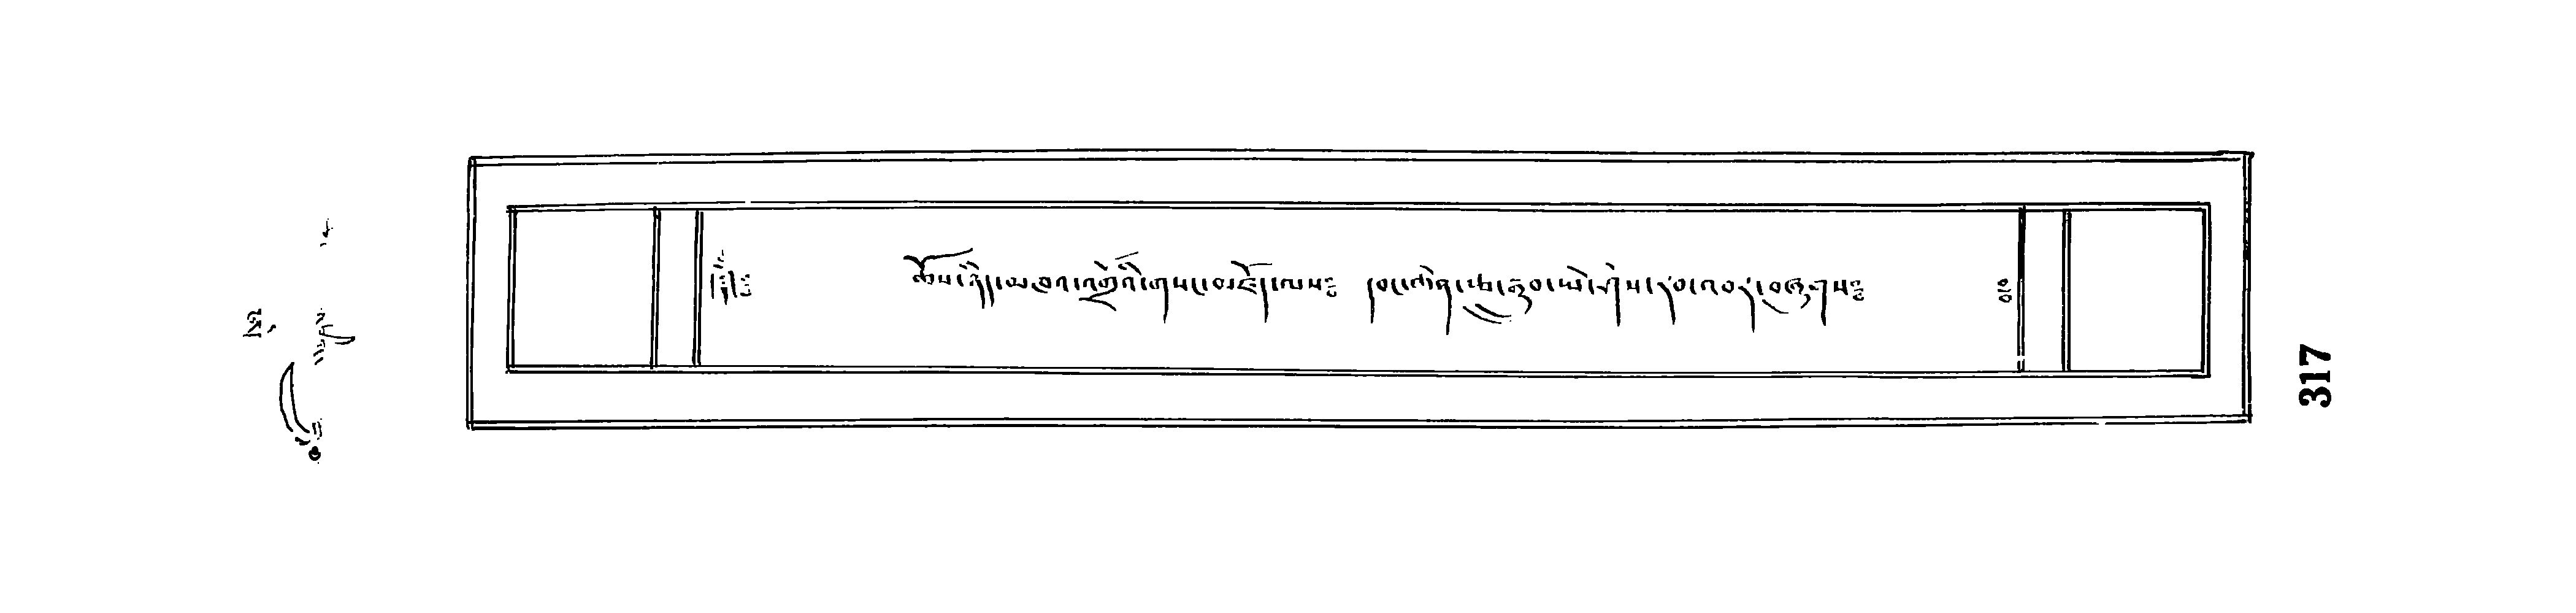ཆོས་ཉིད་མཁའ་འགྲོའི་གསང་མཛོད་ལས༔ དབང་ཆེན་རྩ་སྒྲུབ་ཡེ་ཤེས་རབ་འབར་བཞུགས༔